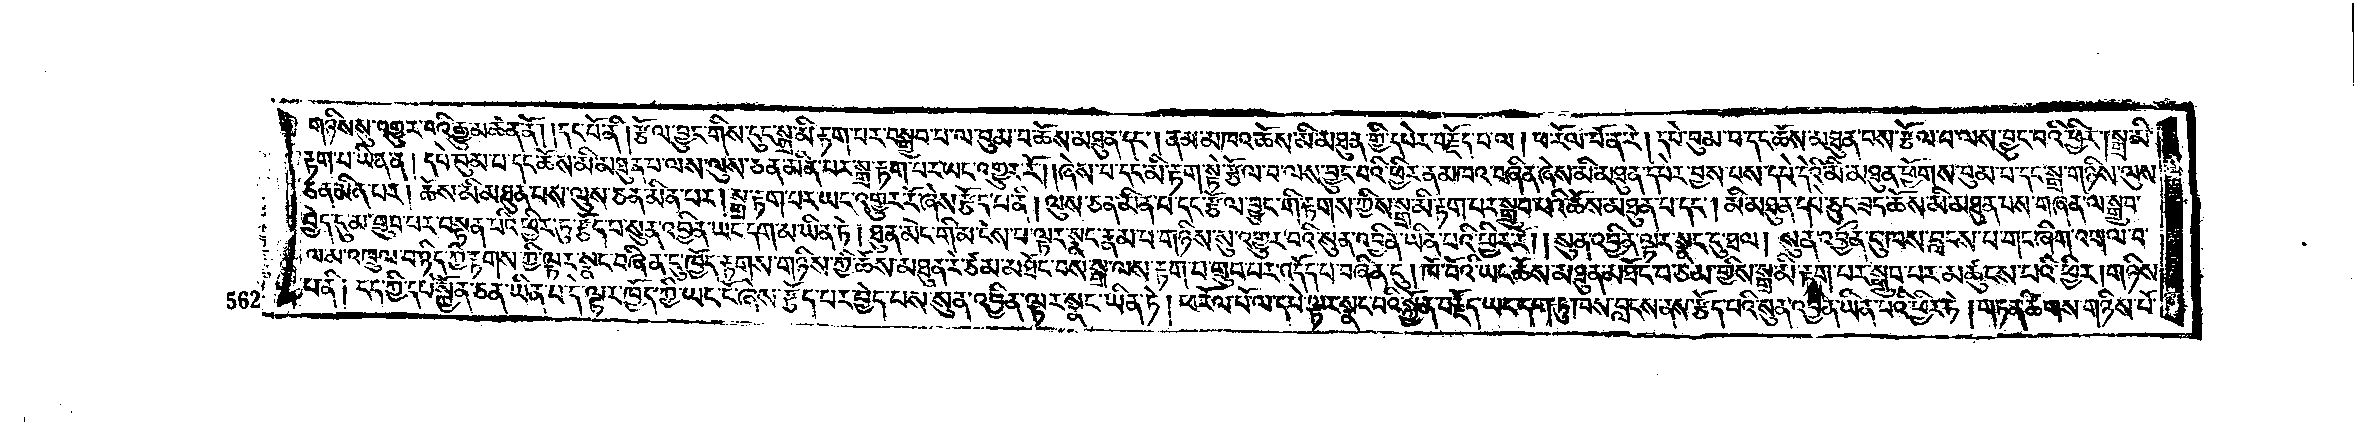གཉིས་སུ་འགྱུར་བའི་རྒྱུ་མཚན་ནོ། །དང་པོ་ནི། རྩོལ་བྱུང་གིས་དུང་སྒྲ་མི་རྟག་པར་བསྒྲུབ་པ་ལ་བུམ་པ་ཆོས་མཐུན་དང་། ནམ་མཁའ་ཆོས་མི་མཐུན་གྱི་དཔེར་བརྗོད་པ་ལ། ཕ་རོལ་པོ་ན་རེ། དཔེ་བུམ་པ་དང་ཆོས་མཐུན་པས་རྩོལ་བ་ལས་བྱུང་བའི་ཕྱིར། སྒྲ་མི་
རྟག་པ་ཡིན་ན། དཔེ་བུམ་པ་དང་ཆོས་མི་མཐུན་པ་ལས་ལུས་ཅན་མིན་པར་སྒྲ་རྟག་པར་ཡང་འགྱུར་རོ། །ཞེས་པ་དང་མི་རྟག་སྟེ་རྩོལ་བ་ལས་བྱུང་བའི་ཕྱིར་ནམ་མཁའ་བཞིན་ཞེས་མི་མཐུན་དཔེར་བྱས་པས་དཔེ་དེའི་མི་མཐུན་ཕྱོགས་བུམ་པ་དང་སྒྲ་གཉིས་ལུས་
ཅན་མིན་པར། ཆོས་མི་མཐུན་པས་ལུས་ཅན་མིན་པར། སྒྲ་རྟག་པར་ཡང་འགྱུར་རོ་ཞེས་རྩོད་པ་ནི། ལུས་ཅན་མིན་པ་དང་རྩོལ་བྱུང་གི་རྟགས་ཀྱིས་སྒྲ་མི་རྟག་པར་སྒྲུབ་པའི་ཆོས་མཐུན་པ་དང་། མི་མཐུན་དཔེ་ཅུང་ཟད་ཆོས་མི་མཐུན་པས་གཞན་ལ་སྒྲུབ་
བྱེད་དུ་མ་གྲུབ་པར་བསྟན་པའི་ཕྱིར་ཏུ་རྩོད་པ་སུན་འབྱིན་ཡང་དག་མ་ཡིན་ཏེ། ཐུན་མོང་གི་མ་ངེས་པ་ལྟར་སྣང་རྣམ་པ་གཉིས་སུ་འགྱུར་བའི་སུན་འབྱིན་ཡིན་པའི་ཕྱིར་རོ། །སུན་འབྱིན་ལྟར་སྣང་དུ་ཐལ། སུན་འབྱིན་དུ་ཁས་བླངས་པ་གང་ཞིག་འགལ་བ་
ལ་མ་འཁྲུལ་པ་ཉིད་ཀྱི་རྟགས་ཀྱི་ལྟར་སྣང་བཞིན་དུ་ཁྱོད་རྟགས་གཉིས་ཀྱི་ཆོས་མཐུན་རེ་ཙམ་མཐོང་བས་སྒྲ་ལས་རྟག་པ་གྲུབ་པར་འདོད་པ་བཞིན་དུ། ཁོ་བོའི་ཡང་ཆོས་མཐུན་མཐོང་བ་ཙམ་གྱིས་སྒྲ་མི་རྟག་པར་སྒྲུབ་པར་མཚུངས་པའི་ཕྱིར། གཉིས་
པ་ནི། དད་ཀྱི་དཔེ་སྐྱོན་ཅན་ཡིན་པ་དེ་ལྟར་ཁྱོད་ཀྱི་ཡང་ནོག་ཞེས་རྩོད་པར་བྱེད་པས་སུན་འབྱིན་ལྟར་སྣང་ཡིན་ཏེ། ཕ་རོལ་པོ་ལ་དཔེ་ལྟར་སྣང་བའི་སྐྱོན་བརྗོད་ཡང་དག་ཏུ་ཁས་བླངས་ནས་རྩོད་པའི་སུན་འབྱིན་ཡིན་པའི་ཕྱིར་ཏེ། གཏན་ཚིགས་གཉིས་པོ་